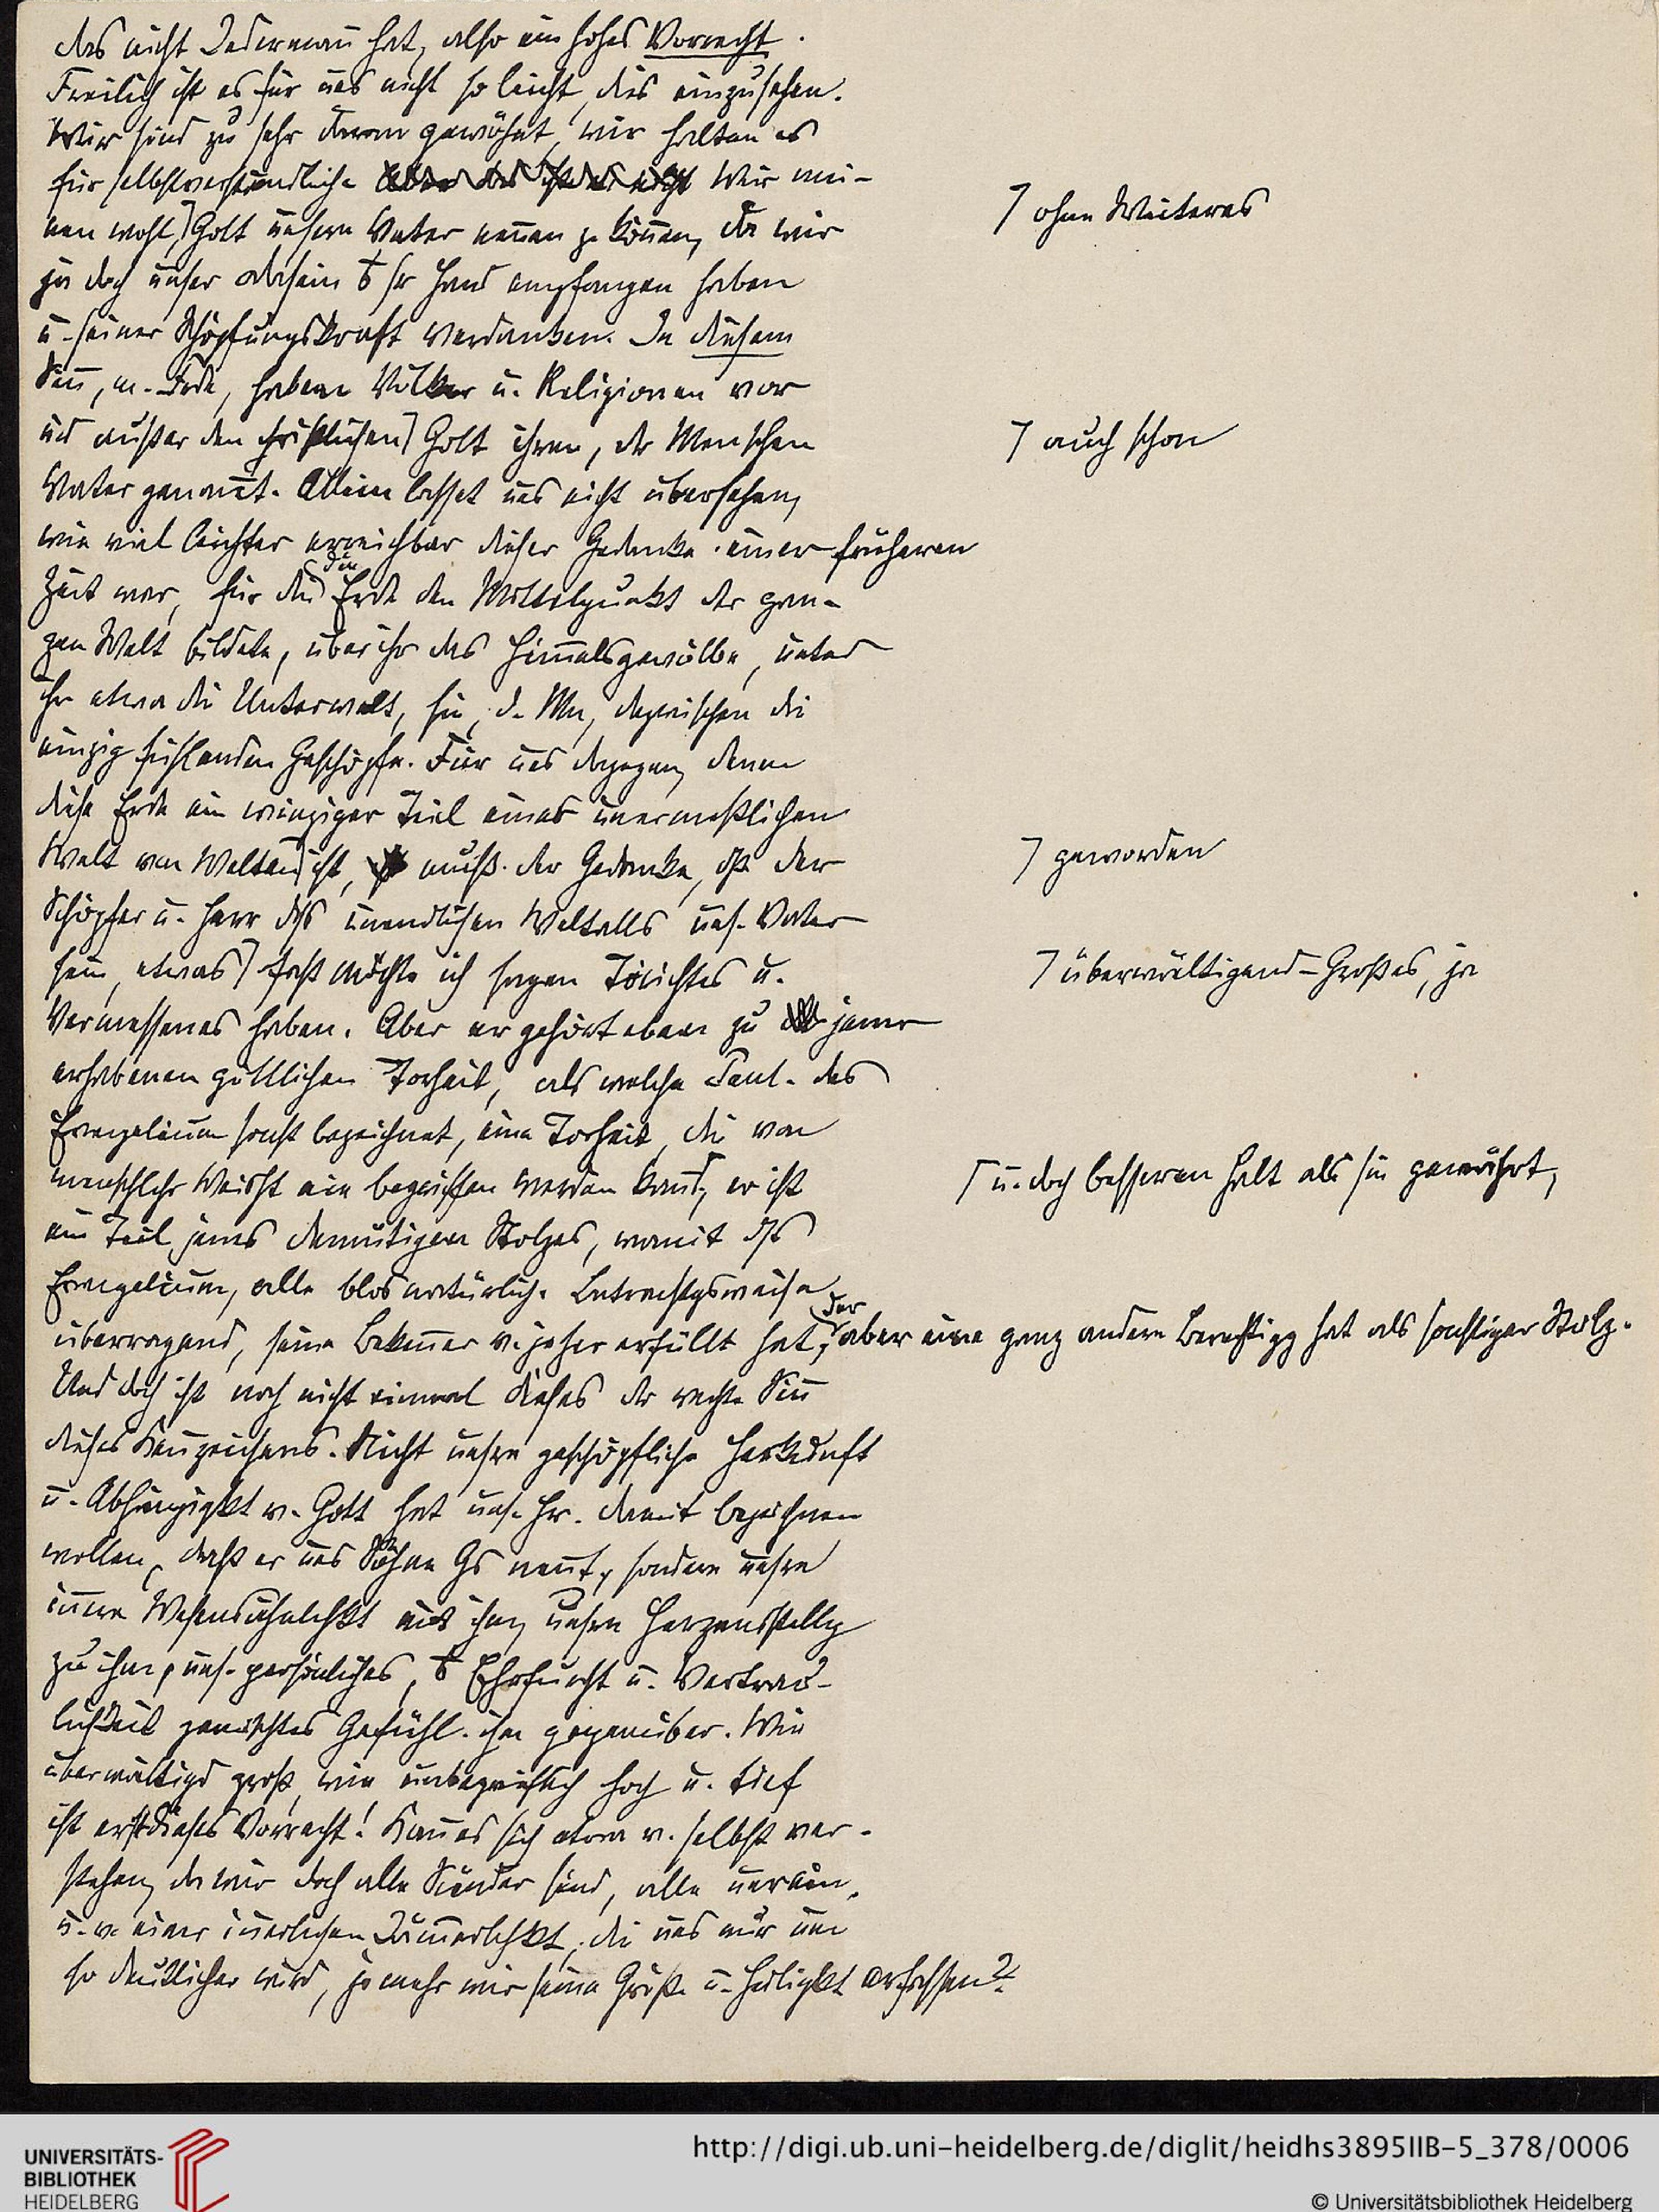das nicht Jederman hat, also ein hohes Vorrecht.
Freilich ist es für uns nicht so leicht dies einzusehen:
Wir sind zu sehr daran gewöhnt, wir halten es
für selbstverständliche. Aber das ist es nicht. Wir mei¬
] ohne Weiteres
nen wohl, ] Gott unsern Vater nenen zu könen, dawir
ja doch unser Dasein s sr Hand empfangen haben
und seiner Schöpfungskraft verdanken. In diesem
Sin, m. Frde, haben Völker u. Religionen vor
uns außer den christlichen] Gott ihren, der Menschen
] auch schon
Vater genant. Allein lasst uns nicht übersehen,
wie viel leichter erreichbar dieser Gedanke einer
früheren
Zeit war, dür die Erde den Mittelpunkt der gan¬
zen Welt bildete, über ihr das Himmelsgewölbe, unter
ihr etwa die Unterwelt, sie, d. Mn., dazwischen die
einzig fühlenden Geschöpfe. Für uns dagegen, denen
diese Erde ein winziger Teil einer unermeßlichen
geworden
Welt von Welten ist, ist muß der Gedanken, daß der
Schöpfer u. Herr diss unendlichen Weltalls unser Vater
] überwältigend-Großes, ja
sein, etwas] fast möchte ich sagen, Törichtes u.
Vermessenes haben. Aber er gehört eben zu der jener
erhabenen göttlichen Torheit, als welche Paul. das
Evangelium sonst bezeichnet, eine Torheit, die von
[ u. doch besseren Halt als sie gewährt,
menschlchr Weisht ein begriffen werden kann [; er ist
ein Teil jenes demütigen Stolzes, womit dss
Evangeliun, alle blos natürliche Betrachtungsweise
der
überragend, seine Bekener v. jeher erfüllt hat, aber eine ganz andere Berechtigg hat als solchiger Stolz.
Und das ist noch nicht einmal dieses der rechte Sin
dieses Kenzeichens. Nicht unsre geschöpfliche Herkunft
u. Abhängigkt v. Gott hat unsr Hr. damit bezeichnen
wollen, daß er uns Söhne Gs nent, sondern unsre
innere Wesensähnlichkt mit ihm, unsere Herzensstellg.
zu ihm, uns. persönliches, s Ehrfurcht u. Vertrau¬
lichkeit gemischtes Gefühl. ihm gegenüber. Wie
überwältigd. groß, wie unbegreiflich hoch u. tief
ist er ist dieses Vorrecht! Kan es sich etwa v. selbst ver¬
stehen, da wir doch alle Sünder sind. alle unrein
u. v. einer inerlichen Jämerlichkt, die uns nur um
so deutlicher wird, je mehr wir seine Größe u. Heiligkt erfassen?